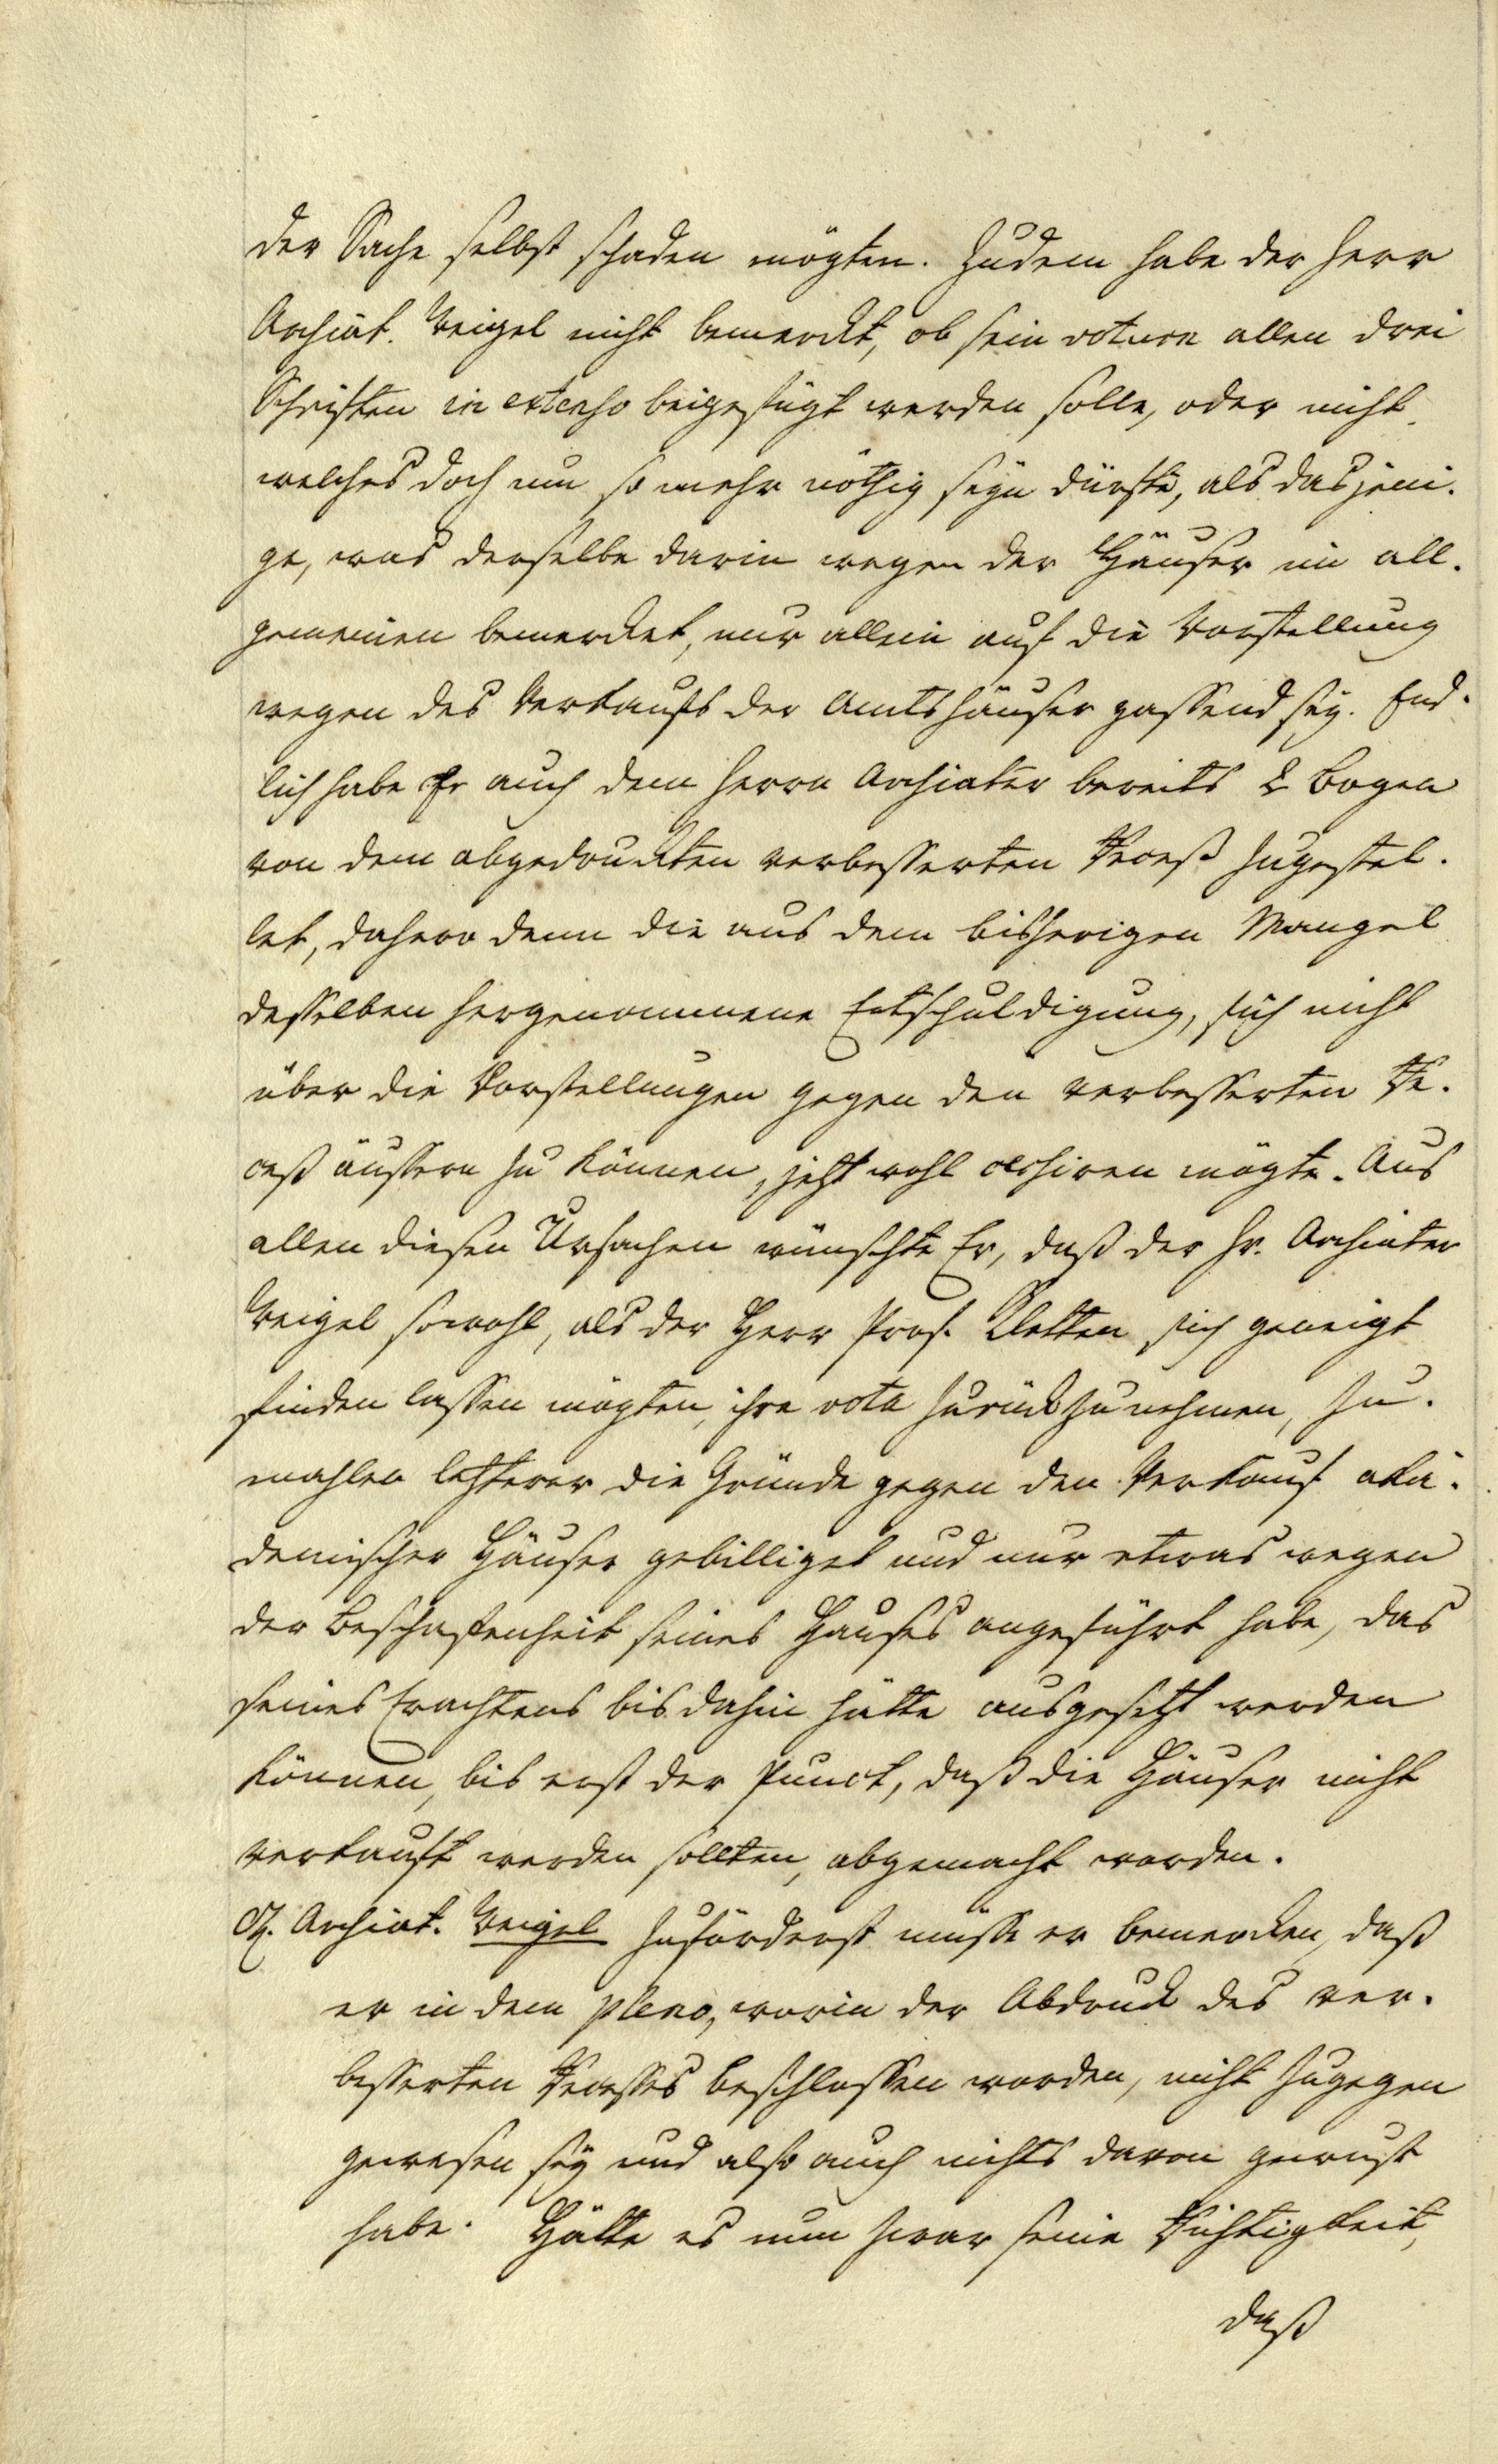der Sache selbst Schaden mögten. Zudem habe der Herr
Archiat. Weigel nicht bemerckt, ob sein votum allen drei
Schriften in extenso beigefügt werden solle, oder nicht,
welches doch um so mehr nöthig seÿn dürfte, als dasjeni¬
ge, was derselbe darin wegen der Häuser im all¬
gemeinen bemercket, nur allein auf die Vorstellung
wegen des Verkaufs der Amtshäuser passend seÿ. End¬
lich habe Er auch dem Herrn Archiater bereits 2 Bogen
von dem abgedruckten verbesserten Receß zugestel¬
let, dahero denn die aus dem bisherigen Mangel
desselben hergenommene Entschuldigung, sich nicht
über die Vorstellungen gegen den verbesserten Re¬
ceß äussern zu können, jetzt wohl cessiren mögte. Aus
allen diesen Ursachen wünschte Er, daß der Hr. Archiater
Weigel sowohl, als der Herr Prof. Kletten sich geneigt
finden lassen mögten, ihre vota zurückzunehmen, zu¬
mahlen letzterer die Gründe gegen den Verkauf aka¬
demischer Häuser gebilliget und nur etwas wegen
der Beschafenheit seines Hauses angeführt habe, das
seines Erachtens bis dahin hätte ausgesetzt werden
können, bis erst der Punct, daß die Häuser nicht
verkauft werden sollten, abgemacht worden.
dh. Archiat. Weigel zuförderst müsse er bemercken, daß
er in dem pleno, worin der Abdruck des ver¬
besserten Recesses beschlossen worden, nicht zugegen
gewesen seÿ und also auch nichts davon gewußt
habe. Hätte es nun zwar seine Richtigkeit,
daß